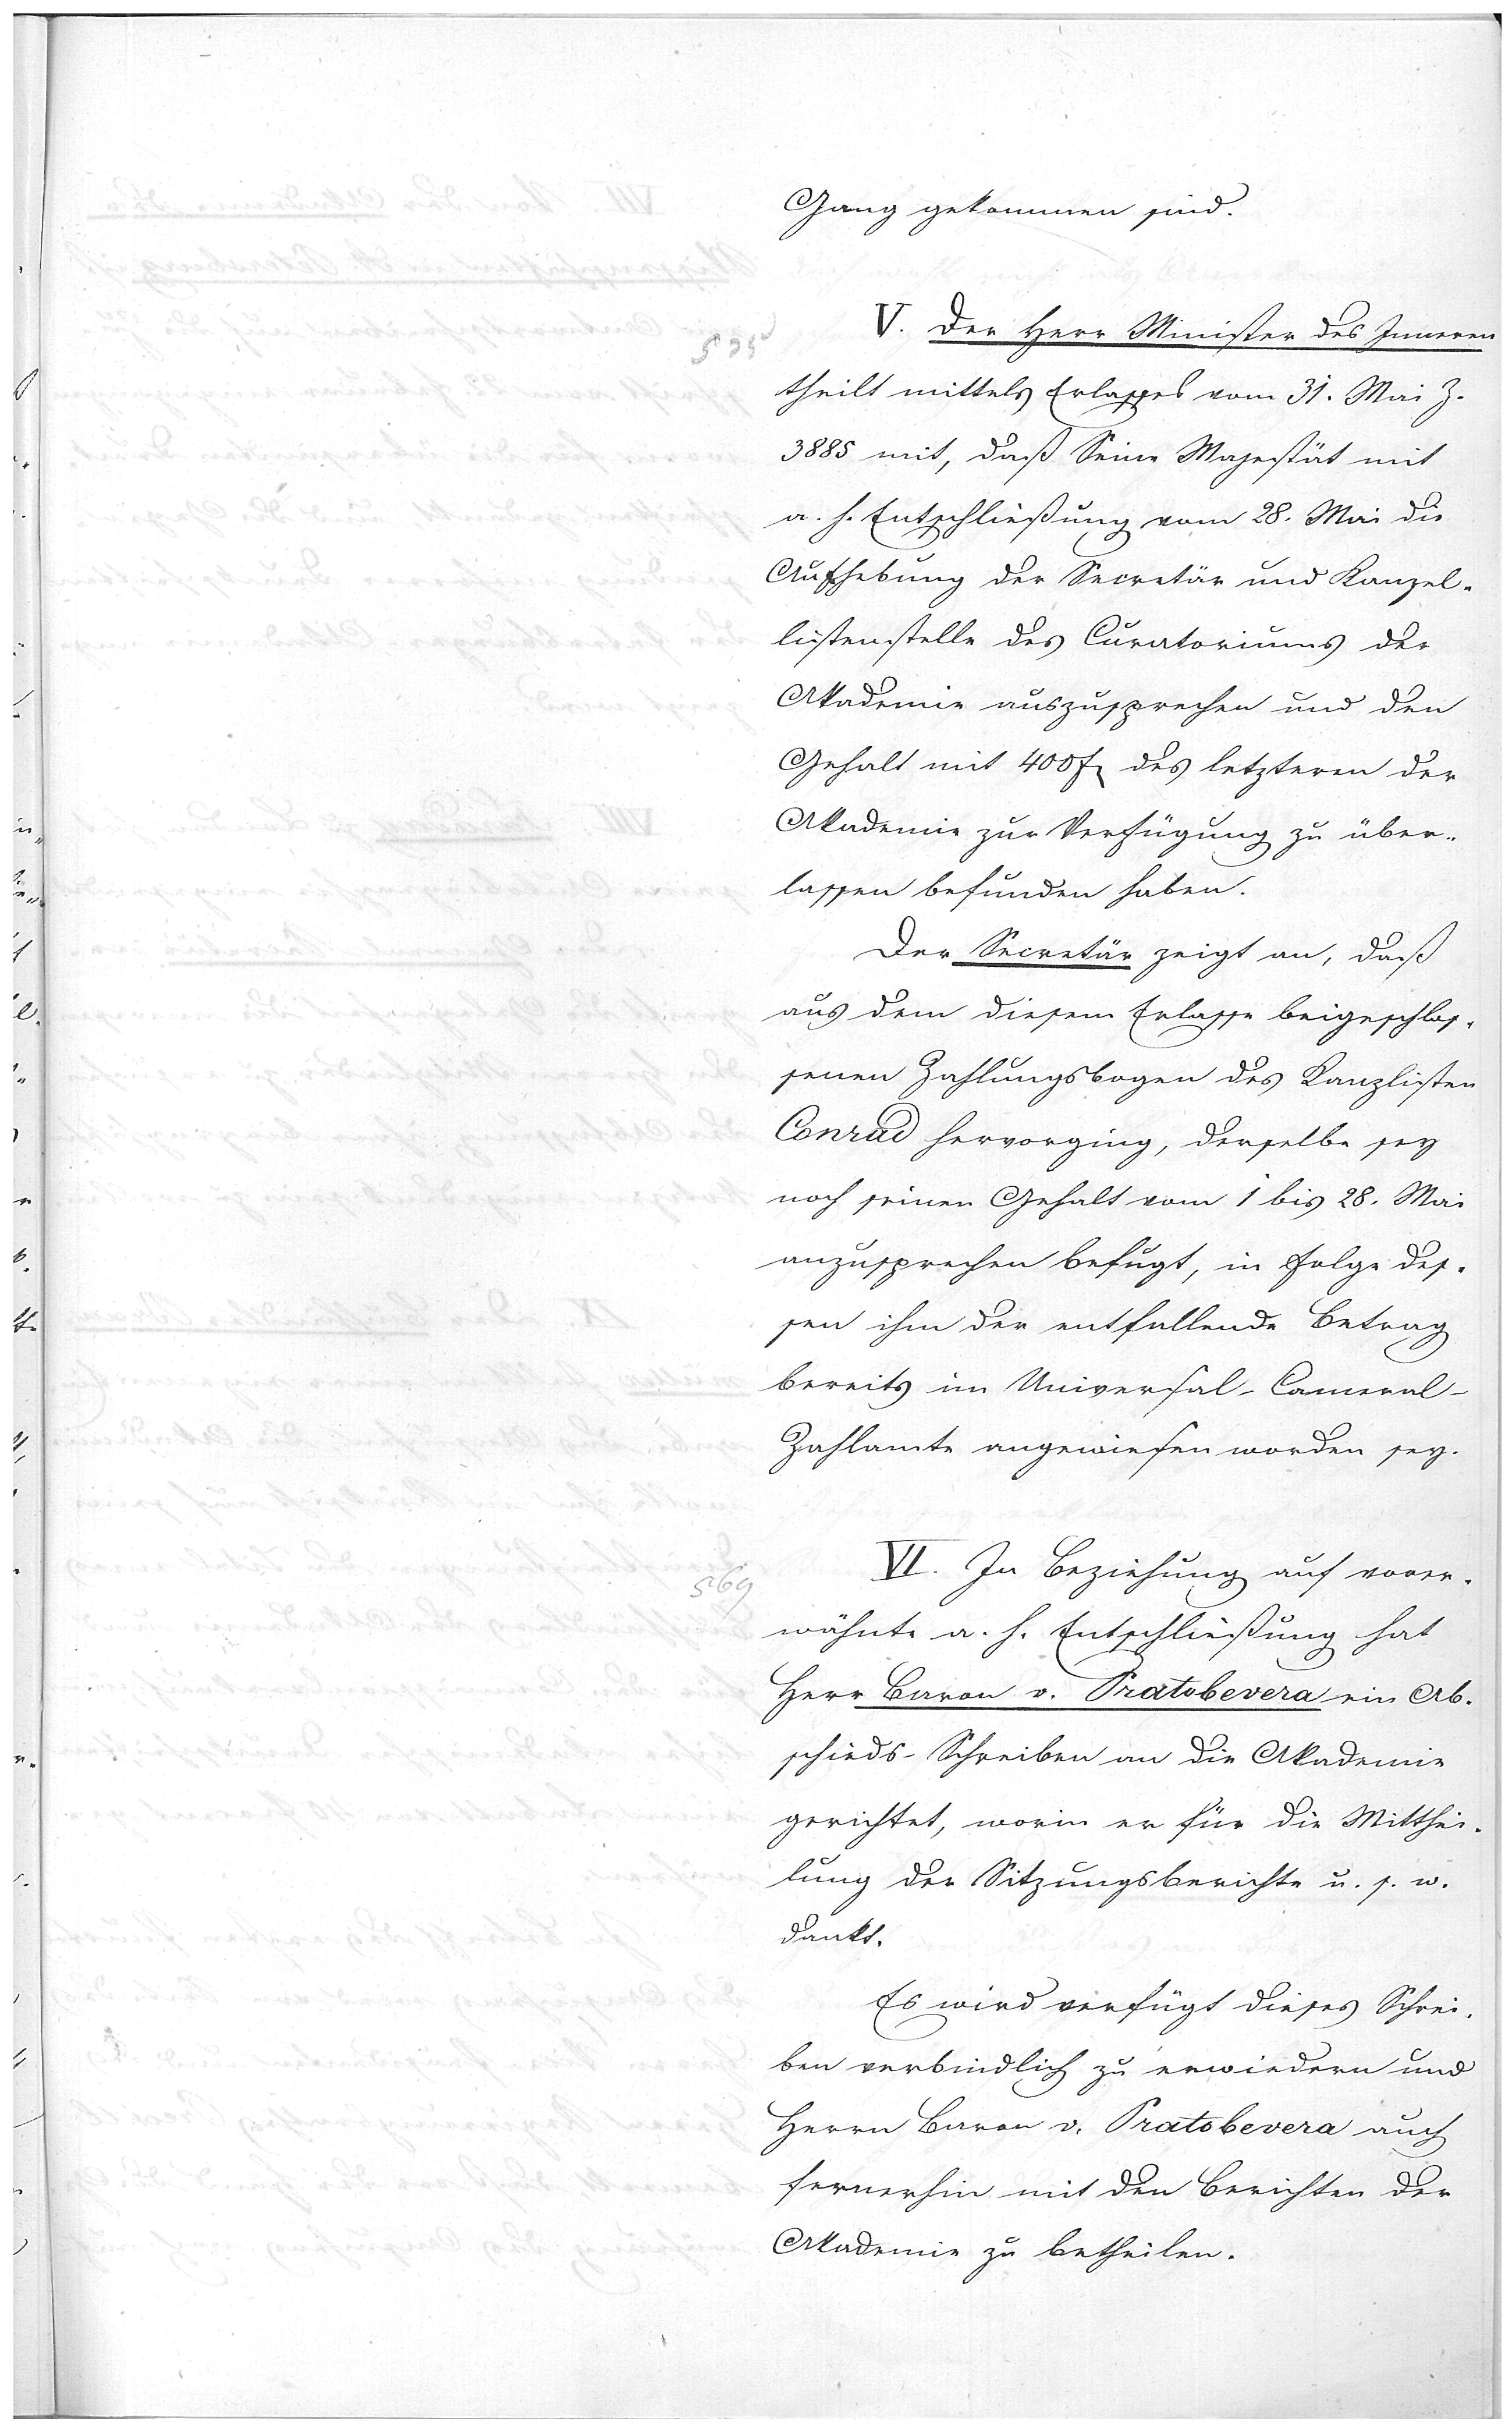Gang gekommen sind.
V. Der Herr Minister des Inneren
theilt mittels Erlasses vom 31. Mai Z.
3885 mit, daß Seine Majestät mit
a.h. Entschließung vom 28. Mai die
Aufhebung der Secretär und Kanzel-
listenstelle des Curatoriums der
Akademie auszusprechen und den
Gehalt mit 400 fl des letzteren der
Akademie zur Verfügung zu über-
lassen befunden haben.
Der Secretär zeigt an, daß
aus dem diesem Erlasse beigeschlos-
senen Zahlungsbogen des Kanzlisten
Conrad hervorging, derselbe sey
noch seinen Gehalt vom 1 bis 28. Mai
anzusprechen befugt, in Folge des-
sen ihm der entfallenden Betrag
bereits im Universal-Cameral-
Zahlamte angewiesen worden sey.
VI. In Beziehung auf vorer-
wähnte a. h. Entschließung hat
Herr Baron v. Pratobevera ein Ab-
schieds-Schreiben an die Akademie
gerichtet, worin er für die Mitthei-
lung der Sitzungsberichte u. s. w.
dankt.
Es wird verfügt dieses Schrei-
ben verbindlich zu erwiedern und
Herrn Baron v. Pratobevera auch
fernerhin mit den Berichten der
Akademie zu betheilen.